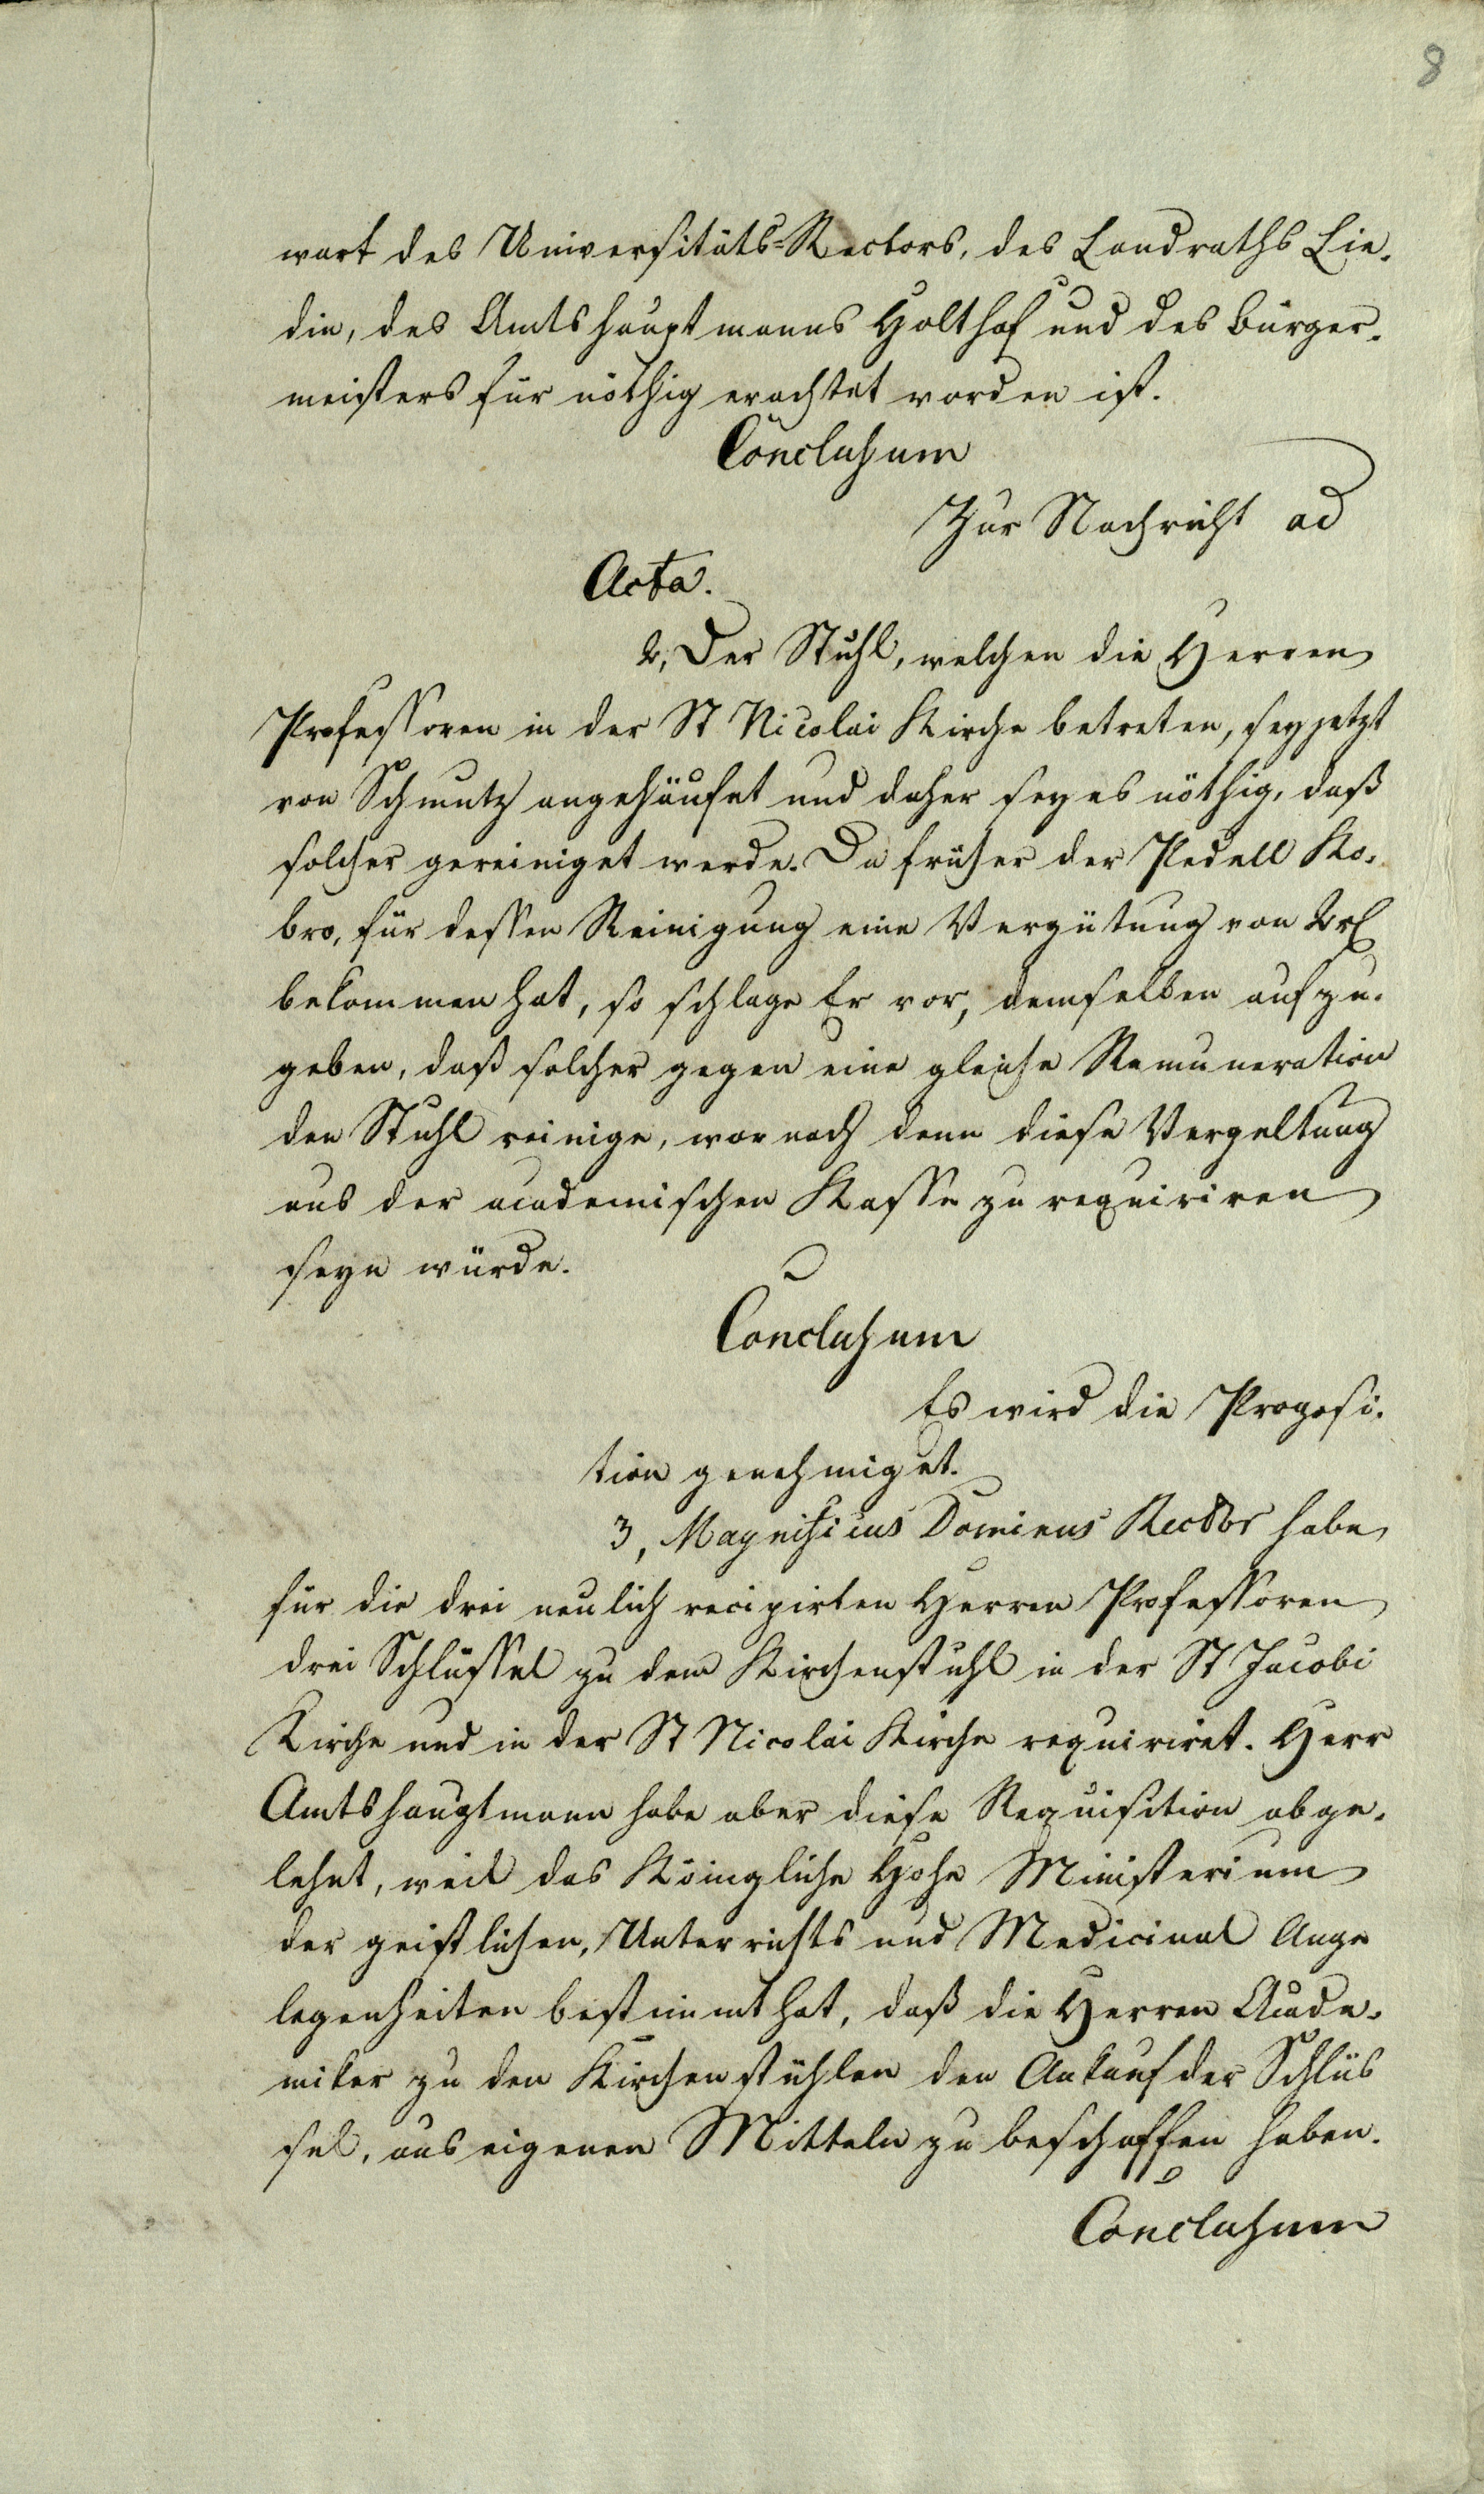wart des Universitäts-Rectors, des Landraths Lie¬
din, des Amtshauptmanns Holthof und des Bürger¬
meisters für nöthig erachtet worden ist.
Conslusum
Zur Nachricht ad
Acta.
2, Der Stuhl, welchen die Herren
Professoren in der St Nicolai Kirche betreten, sey jetzt
von Schmutz angehäufet und daher seyes nöthig, daß
solcher gereiniget werde. Da früher der Pedell Ko¬
bro, für dessen Reinigung eine Vergütung von 2 r
bekommen hat, so schlage Er vor, demselben aufzu¬
geben, daß solcher gegen eine gleiche Remuneration
den Stuhl reinige, wor nach denn diese Vergeltung
aus der academischen Kasse zu requiriren
seyn würde.
Conclusum
Es wird die Proposi¬
tion genehmiget.
3, Magnificus Dominus Rector habe
für die drei neulich recipirten Herren Professoren
drei Schlüssel zu dem Kirchenstuhl in der St Jacobi
Kirche und in der St Nicolai Kirche requiriret. Herr
Amtshauptmann habe aber diese Requisition abge¬
lehnt, weil das Königliche Hohe Ministerium
der geistlichen, Unterrrichts und Medicinal Ange¬
legenheiten bestimmt hat, daß die Herrn Acade¬
miker zu den Kirchenstühlen den Ankauf der Schlüs¬
sel, aus eigenen Mitteln zu beschaffen haben.
Conclusum